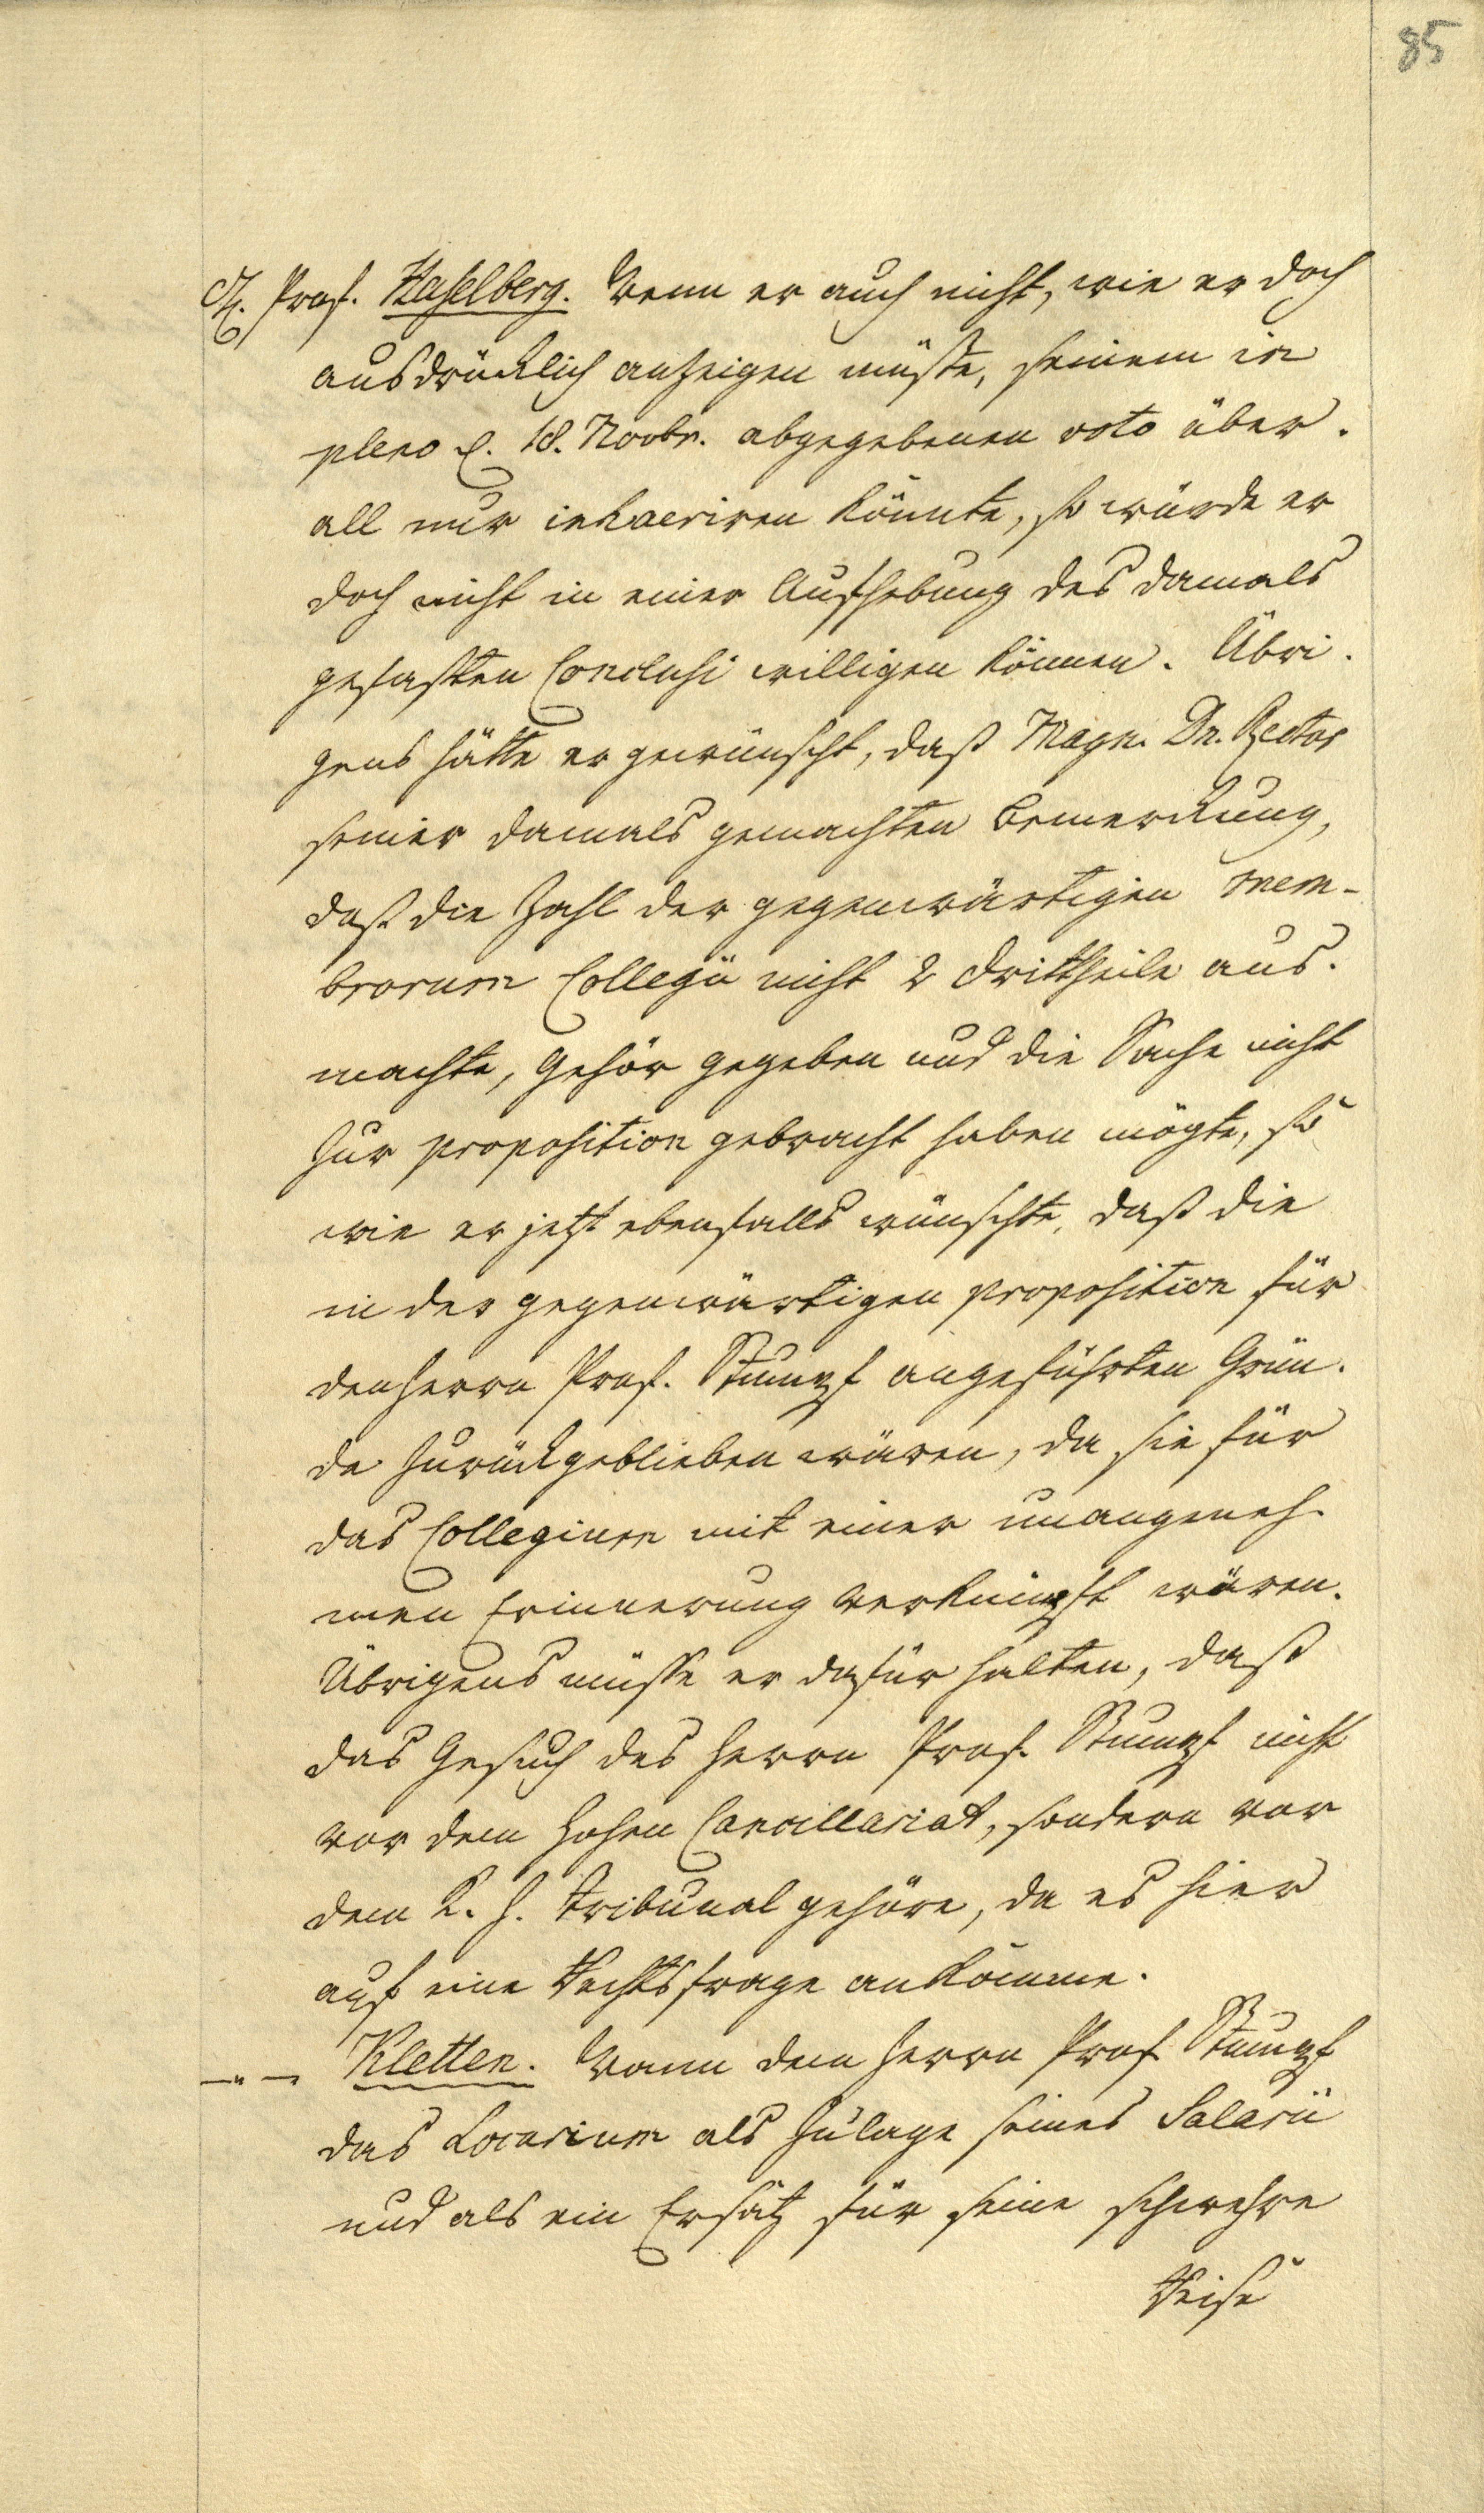dh. Prof. Haselberg. Wenn er auch nicht, wie er doch
ausdrücklich anzeigen müßte, seinem in
pleno d. 18. Novbr. abgegebenen voto über¬
all nur inhaeriren könnte, so würde er
doch nicht in einer Aufhebung des damals
gefaßten Conclusi willigen können. Übri¬
gens hätte er gewünscht, daß Magn. Dn. Rector
seiner damals gemachten Bemerckung,
daß die Zahl der gegenwärtigen Mem¬
brorum Collegii nicht 2 Drittheile aus¬
machte, Gehör gegeben und die Sache nicht
zur proposition gebracht haben mögte, so
wie er jetzt ebenfalls wünschte, daß die
in der gegenwärtigen proposition für
den Herrn Prof. Stumpf angeführten Grün¬
de zurückgeblieben wären, da sie für
das Collegium mit einer unangeneh¬
men Erinnerung verknüpft wären.
Übrigens müsse er dafür halten, daß
das Gesuch des Herrn Prof. Stumpf nicht
vor dem Hohen Cancellariat, sondern vor
dem K. H. Tribunal gehöre, da es hier
auf eine Rechts frage ankomme.
Kletten. Wann dem Herrn Prof. Stumpf
das Locarium als Zulage seines Salarii
und als ein Ersatz für seine schwehre
Reise